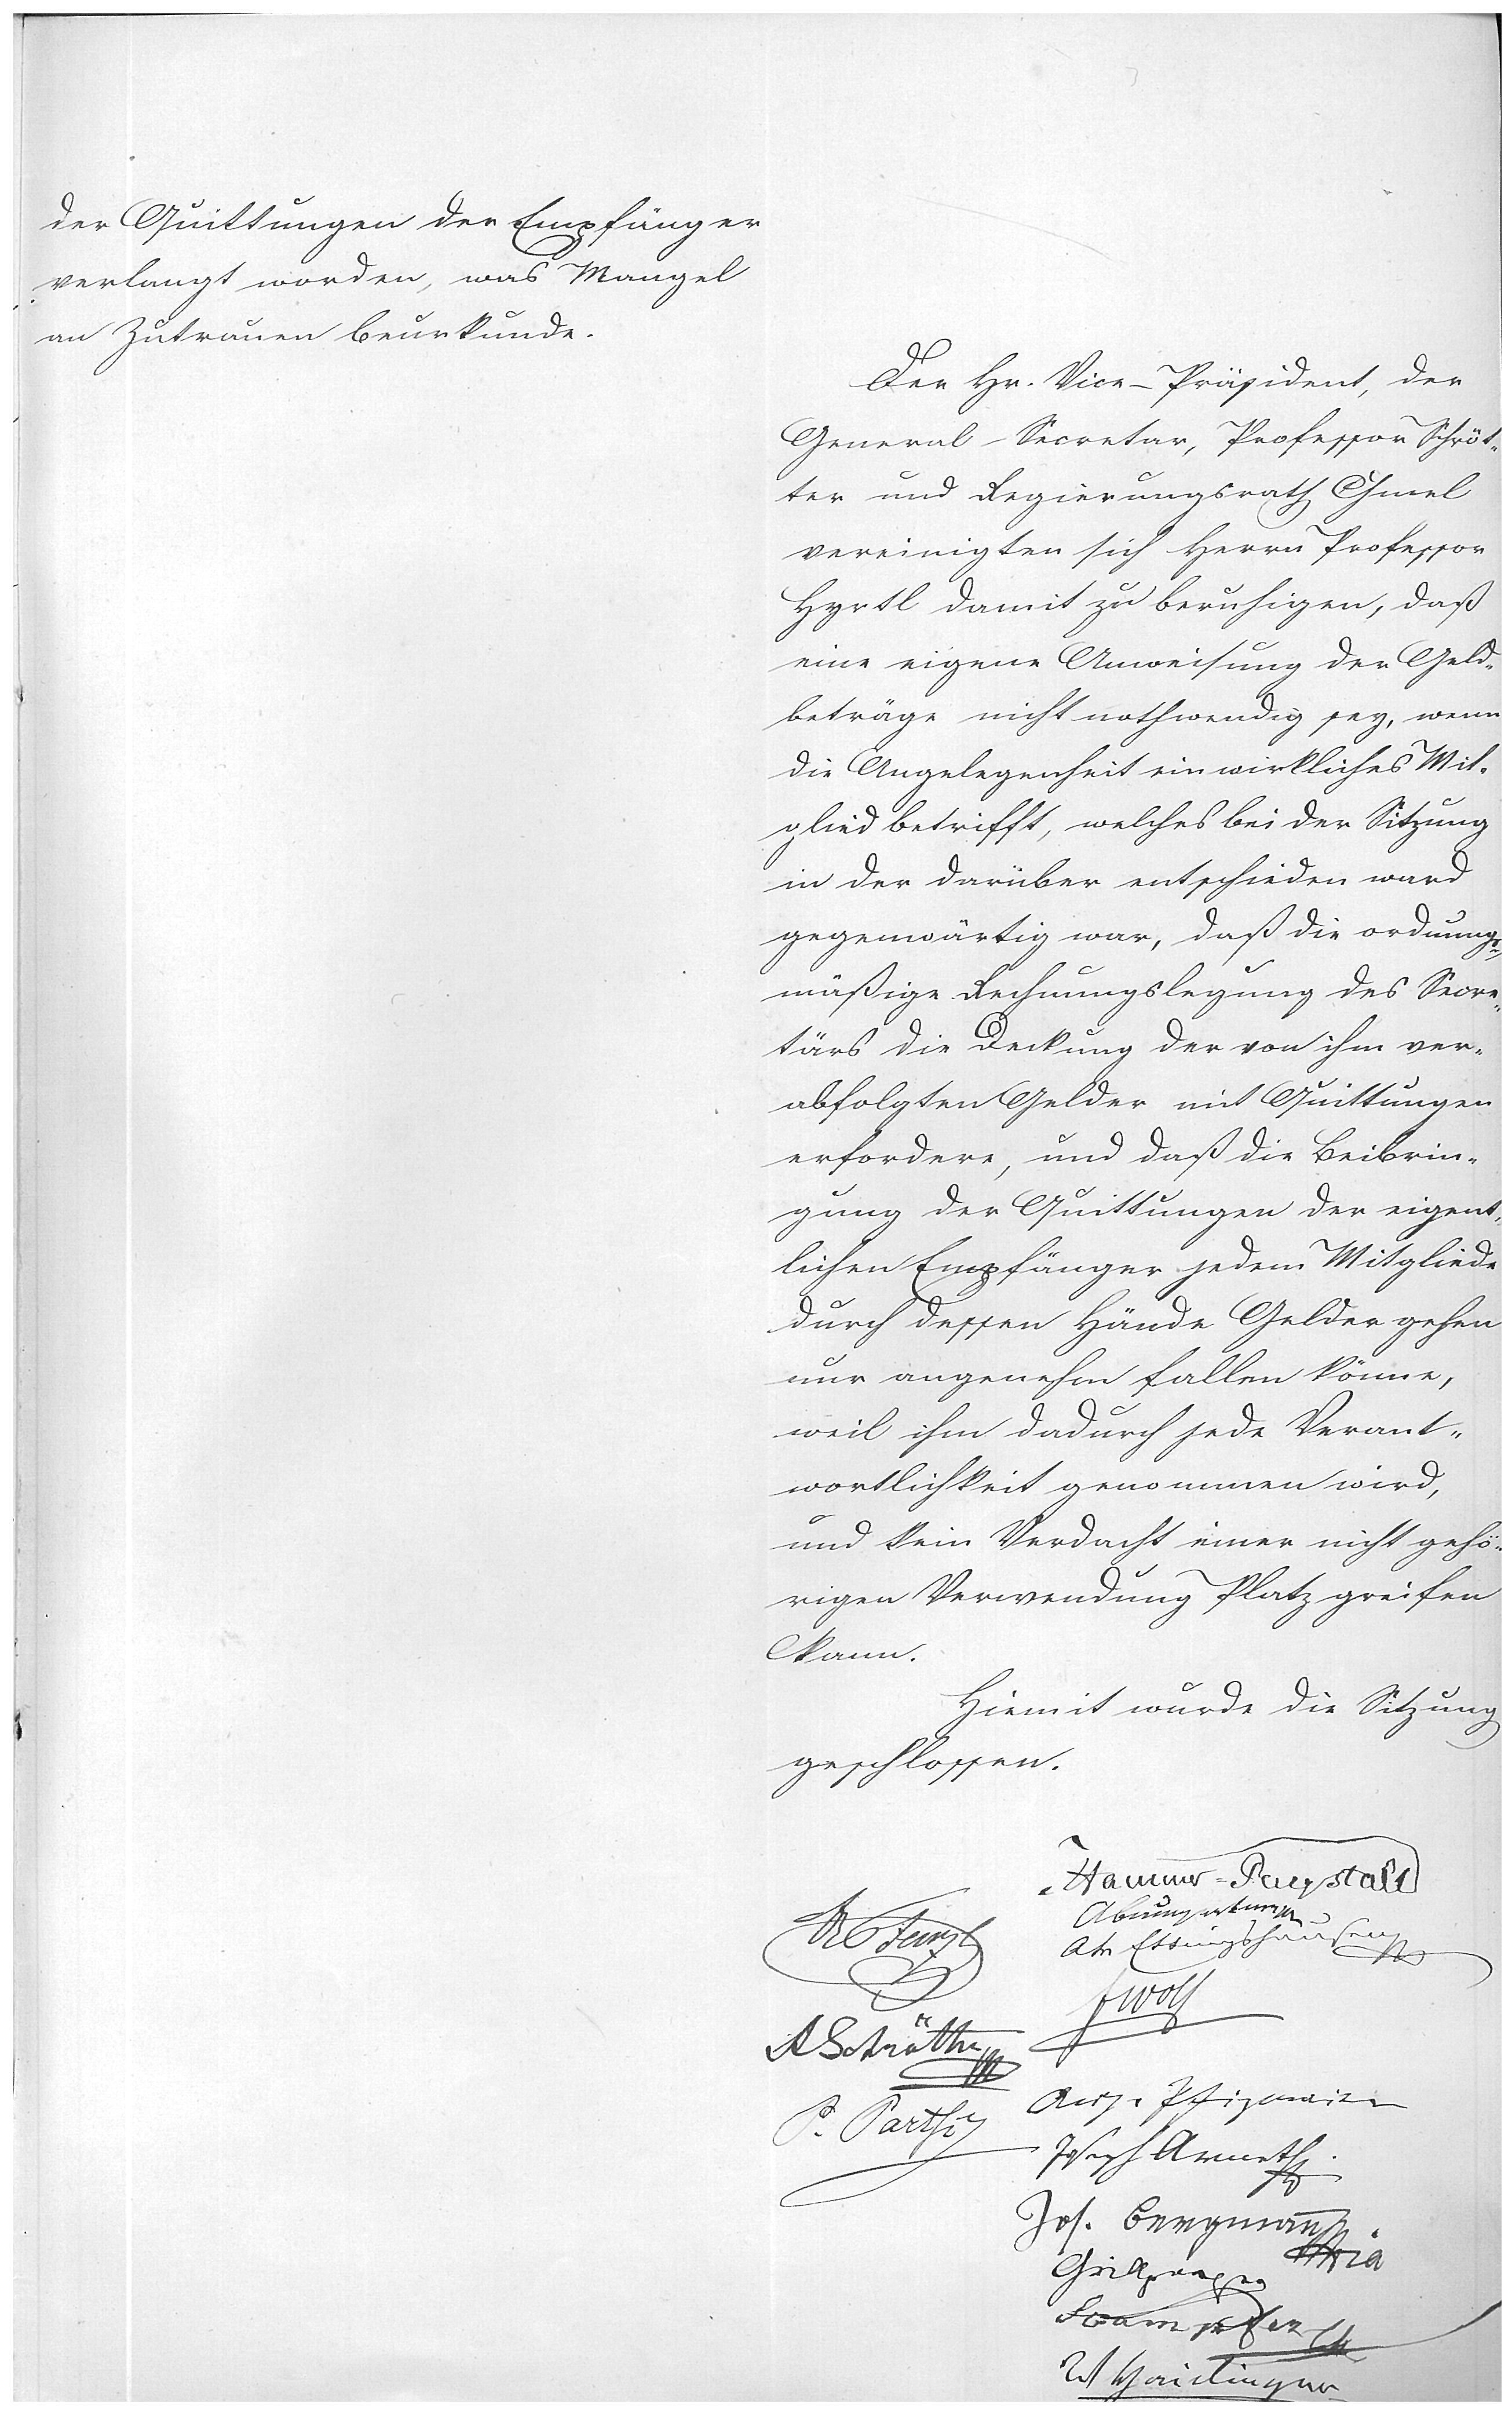der Quittungen der Empfänger
verlangt worden, was Mangel
an Zutrauen beurkunde.
Der Hr. Vice-Präsident, der
General-Secretär, Professor Schröt-
ter und Regierungsrath Chmel
vereinigten sich Herrn Professor
Hyrtl damit zu beruhigen, daß
eine eigene Anweisung der Geld-
beträge nicht nothwendig sey, wenn
die Angelegenheit ein wirkliche Mit-
glied betrifft, welches bei der Sitzung
in der darüber entschieden ward
gegenwärtig war, daß die ordnungs
mäßige Rechungslegung des Secre-
tärs die Deckung der von ihm ver-
abfolgten Gelder mit Quittungen
erfordere, und daß die Beibrin-
gung der Quittungen der eigent-
lichen Empfänger jedem Mitgliede
durch dessen Hände Gelder gehen
nur angenehm fallen könne,
weil ihm dadurch jede Verant-
wortlichkeit genommen wird,
und kein Verdacht einer nicht gehö-
rigen Verwendung Platz greifen
kann.
Hiemit wurde die Sitzung
geschlossen.
Hammer-Purgstall
Ed Fenzl
ABaumgartner
Av. Ettingshausen
FWolf
ASchrötter
Aug. Pfizmaier
P. Partsch
Joseph Arneth
Jos. Bergmann
Grillparzer
Stampfer
WHaidinger